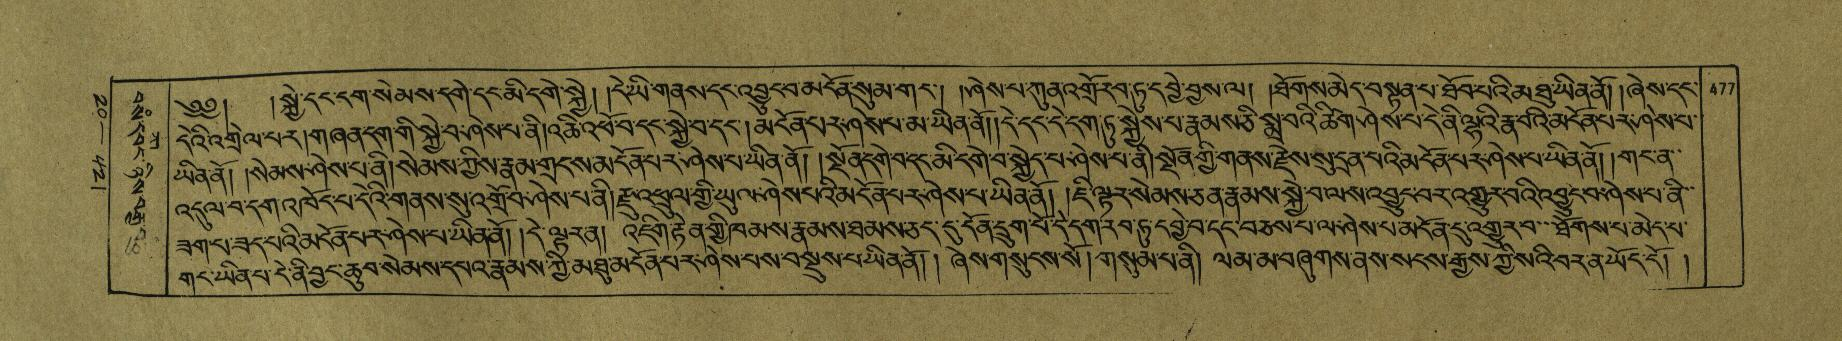༄༅། །སྐྱེ་དང་ངག་སེམས་དགེ་དང་མི་དགེ་སྐྱེ། །དེ་ཡི་གནས་དང་འབྱུང་བ་མངོན་སུམ་གང་། །ཤེས་པ་ཀུན་འགྲོ་རབ་ཏུ་དབྱེ་བྱས་ལ། །ཐོགས་མེད་བསྟན་པ་ཐོབ་པའི་མཐུ་ཡིན་ནོ། །ཞེས་དང་
དེའི་འགྲེལ་པར། གཞན་དག་གི་སྐྱེ་བ་ཤེས་པ་ནི། འཆི་འཕོ་བ་དང་སྐྱེ་བ་དང་། མངོན་པར་ཤེས་པ་མ་ཡིན་ནོ། །དེ་དང་དེ་དག་ཏུ་སྐྱེས་པ་རྣམས་ཅི་སྨྲ་བའི་ཚིག་ཤེས་པ་དེ་ནི་ལྷའི་རྣ་བའི་མངོན་པར་ཤེས་པ་
ཡིན་ནོ། །སེམས་ཤེས་པ་ནི། སེམས་ཀྱིས་རྣམ་གྲངས་མངོན་པར་ཤེས་པ་ཡིན་ནོ། །སྔོན་དགེ་བ་དང་མི་དགེ་བ་སྐྱེད་པ་ཤེས་པ་ནི། སྔོན་གྱི་གནས་རྗེས་སུ་དྲན་པའི་མངོན་པར་ཤེས་པ་ཡིན་ནོ། །གང་ན་
འདུལ་བ་དག་འཁོད་པ་དེའི་གནས་སུ་འགྲོ་བ་ཤེས་པ་ནི། རྫུ་འཕྲུལ་གྱི་ཡུལ་ཤེས་པའི་མངོན་པར་ཤེས་པ་ཡིན་ནོ། །ཇི་ལྟར་སེམས་ཅན་རྣམས་སྐྱེ་བ་ལས་འབྱུང་བར་འགྱུར་བའི་འབྱུང་བ་ཤེས་པ་ནི་
ཟག་པ་ཟད་པའི་མངོན་པར་ཤེས་པ་ཡིན་ནོ། །དེ་ལྟར་ན། འཇིག་རྟེན་གྱི་ཁམས་རྣམས་ཐམས་ཅད་དུ་དོན་དྲུག་པོ་དེ་དག་རབ་ཏུ་དབྱེ་བ་དང་བཅས་པ་ལ་ཤེས་པ་མངོན་དུ་འགྱུར་བ་ཐོགས་པ་མེད་པ་
གང་ཡིན་པ་དེ་ནི་བྱང་ཆུབ་སེམས་དཔའ་རྣམས་ཀྱི་མཐུ་མངོན་པར་ཤེས་པས་བསྡུས་པ་ཡིན་ནོ། །ཞེས་གསུངས་སོ། གསུམ་པ་ནི། ལམ་མ་བཞུགས་ནས་སངས་རྒྱས་ཀྱི་སའི་བར་ན་ཡོད་དོ། །